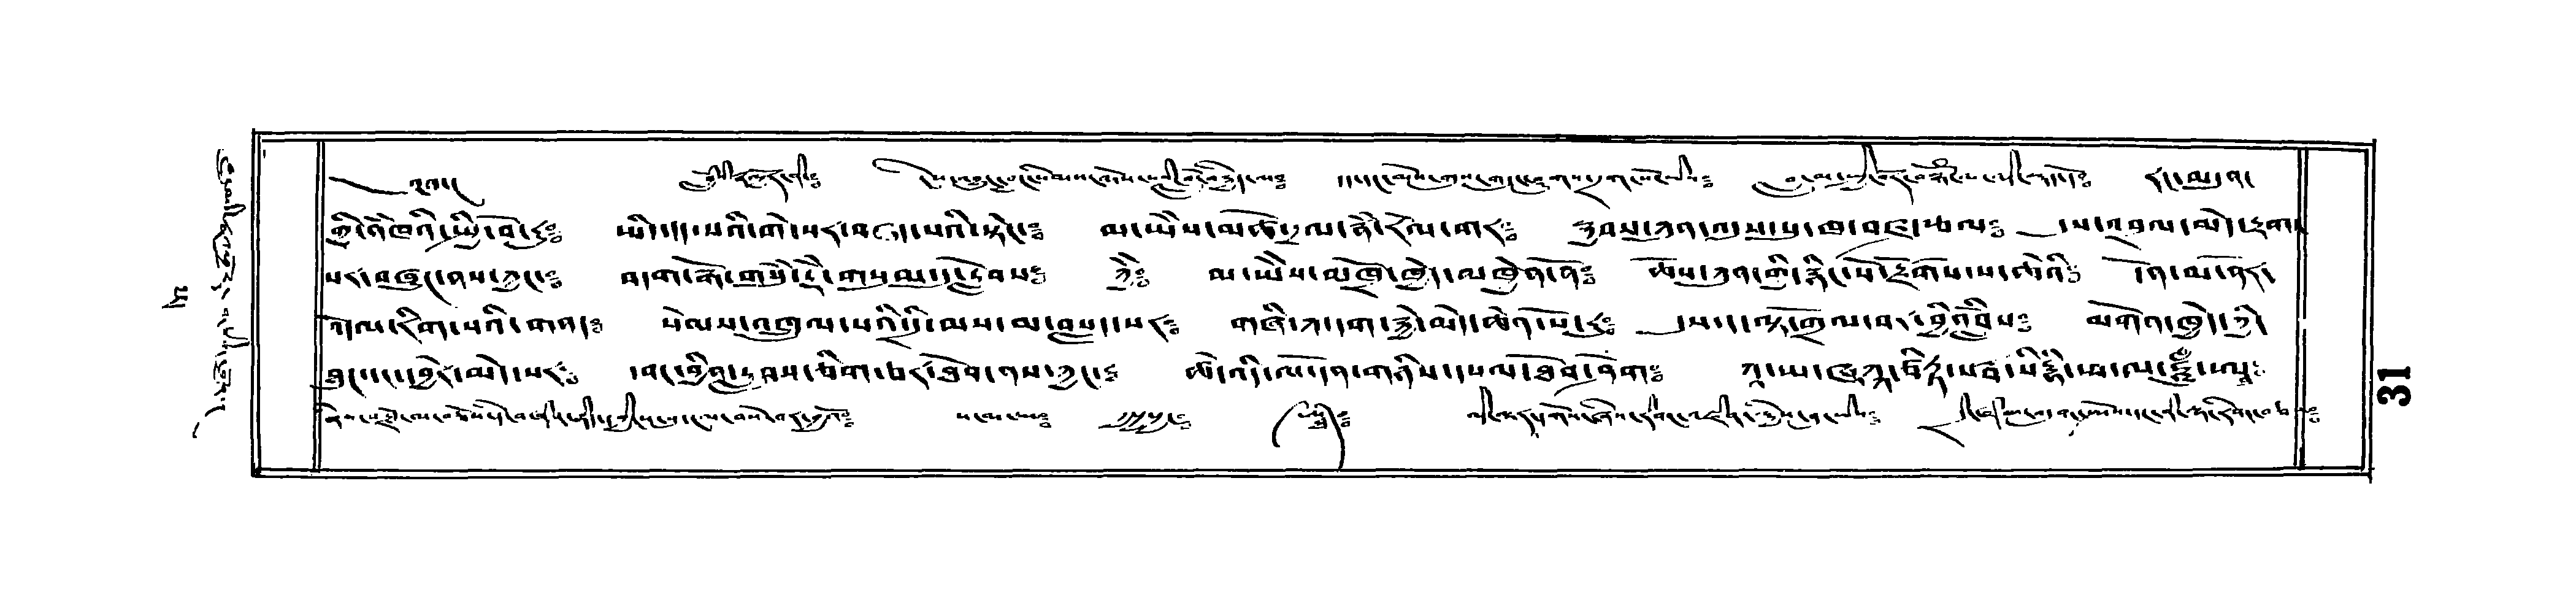བླ་མའི་རྣལ་འབྱོར་ནི༔ ངེས་འབྱུང་བྱང་སེམས་མོས་པའི་བློ་བསྐྱེད་ལ༔ དད་དང་མོས་གུས་གདུང་ཤུགས་དྲག་པོ་ཡིས༔ བླ་མ་སྤྱི་བོར་བསྒོམ་ལ་འདི་སྐད་དོ༔ རང་མདུན་
གྱི་ནམ་མཁའི་སྤྱི་བོ་རུ༔ ཡིད་དད་པའི་གེ་སར་བཞད་པའི་སྟེང༔ མ་ཡེ་ཤེས་མཚོ་རྒྱལ་རྣམ་རོལ་གར༔ སྐྱབས་ཀུན་འདུས་སུ་ཁ་བཛྲ་རྩལ༔ དུས་འབྲལ་མེད་རྟག་
པར་བཞུགས་ནས་ཀྱང༔ བདག་སྒོ་གསུམ་རྡོ་རྗེ་གསུམ་དུ་རློབས༔ ཀྱཻ༔ མ་ཡེ་ཤེས་མཁའ་འགྲོ་ཁྱེད་མཁྱེན་ནོ༔ ཆོས་ཀུན་གྱི་སྙིང་པོ་རྫོགས་པ་ཆེའི༔ དོན་མ་ནོར་
འོད་གསལ་རིག་པའི་གནད༔ སེམས་འཁྲུལ་པའི་དྲི་མས་མ་བསླད་པར༔ གཞི་ཀ་དག་སྐྱེ་མེད་ཆེན་པོ་རུ༔ དུས་ད་ལྟ་གྲོལ་བར་བྱིན་གྱིས་རློབས༔ མགོན་ཁྱེད་ཀྱི་
ཐུགས་དང་དབྱེར་མེད་པར༔ དབང་བྱིན་རླབས་ཅིག་ཅར་ཐོབ་ནས་ཀྱང༔ ཚེ་འདི་ལ་དོན་གཉིས་དཔལ་ཐོབ་ཤོག༔ ཀཱ་ཡ་ཝཀྐ་ཙིཏྟ་སརྦ་སིདྡྷི་ཕ་ལ་ཧཱུྃ་ཨཱཿ 
ཞེས་བརྗོད་མ་བཅོས་དེ་བཞིན་ཉིད་དབྱིངས་སུ་ངལ་གསོ་པར་བྱའོ༔ ས་མ་ཡ༔ རྒྱ་རྒྱ་རྒྱ༔ ༔ འདི་ལྟར་དགོས་ཞེས་རིག་འཛིན་སྐྱེས་བུ་ཡིས། །དྲི་ཞིམ་བདུག་སྤོས་དང་ནི་ལྷ་རེག་བཅས།